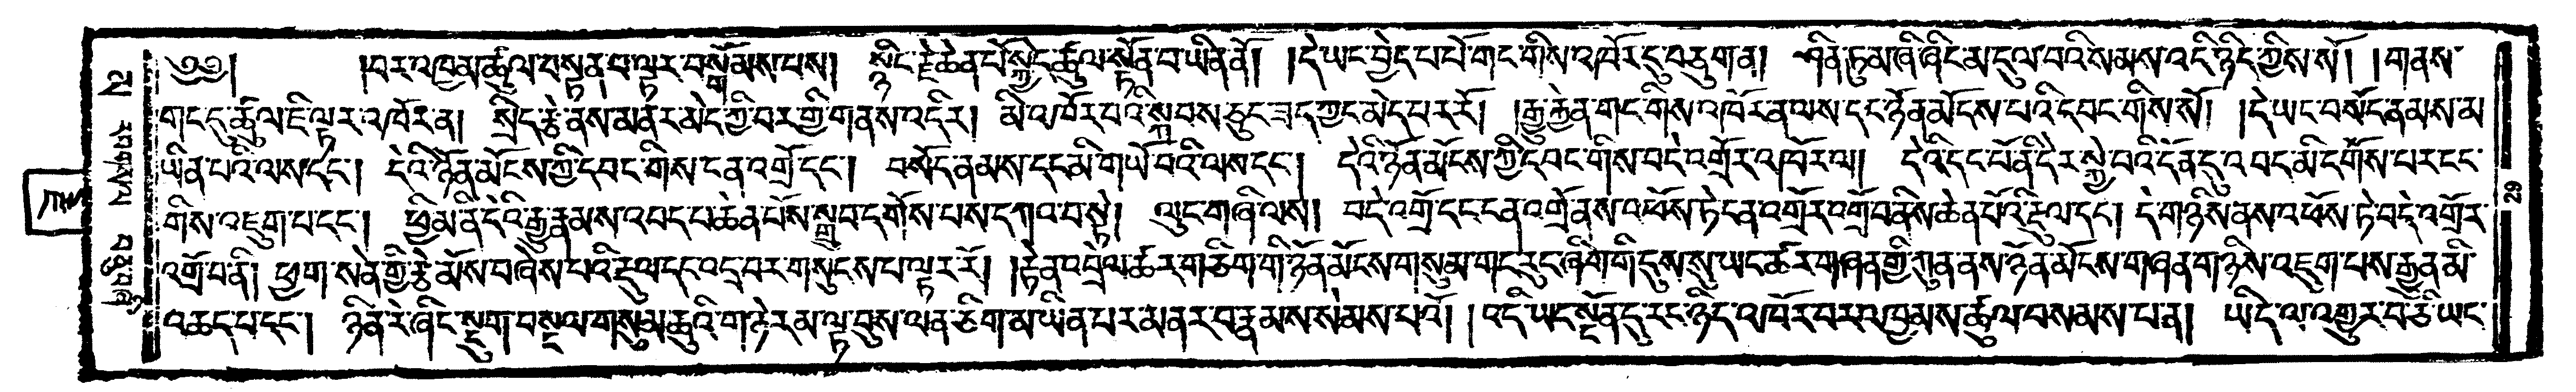༄༅། །བར་འཁྱམས་ཚུལ་བསྟན་པ་ལྟར་བསྒོམས་པས། སྙིང་རྗེ་ཆེན་པོ་སྐྱེད་ཚུལ་སྟོན་པ་ཡིན་ནོ། །དེ་ཡང་བྱེད་པ་པོ་གང་གིས་འཁོར་དུ་བཅུག་ན། ཤིན་ཏུ་མ་ཞི་ཞིང་མ་དུལ་བའི་སེམས་འདི་ཉིད་ཀྱིས་སོ། །གནས་
གང་དུ་ཚུལ་ཇི་ལྟར་འཁོར་ན། སྲིད་རྩེ་ནས་མནར་མེད་ཀྱི་བར་གྱི་གནས་འདིར། མི་འཁོར་བའི་སྐབས་ཅུང་ཟད་ཀྱང་མེད་པར་རོ། །རྒྱུ་རྐྱེན་གང་གིས་འཁོར་ན་ལས་དང་ཉོན་མོངས་པའི་དབང་གིས་སོ། །དེ་ཡང་བསོད་ནམས་མ་
ཡིན་པའི་ལས་དང་། དེའི་ཉོན་མོངས་ཀྱི་དབང་གིས་ངན་འགྲོ་དང་། བསོད་ནམས་དང་མི་གཡོ་བའི་ལས་དང་། དེའི་ཉོན་མོངས་ཀྱི་དབང་གིས་བདེ་འགྲོར་འཁོར་ལ། དེའི་དང་པོ་ནི་དེར་སྐྱེ་བའི་དོན་དུ་འབད་ནི་དགོས་པར་ངང་
གིས་འཇུག་པ་དང་། ཕྱི་མ་ནི་དེའི་རྒྱུ་རྣམས་འབད་པ་ཆེན་པོས་སྒྲུབ་དགོས་པས་དཀའ་བ་སྟེ། ལུང་གཞི་ལས། བདེ་འགྲོ་དང་ངན་འགྲོ་ནས་འཕོས་ཏེ་ངན་འགྲོར་འགྲོ་བ་ནི་ས་ཆེན་པོའི་རྡུལ་དང་། དེ་གཉིས་ནས་འཕོས་ཏེ་བདེ་འགྲོར་
འགྲོ་བ་ནི། ཕྱག་སེན་གྱི་རྩེ་མོས་བཞེས་པའི་རྡུལ་དང་འདྲ་བར་གསུངས་པ་ལྟར་རོ། །རྟེན་འབྲེལ་ཚར་གཅིག་གི་ཉོན་མོངས་གསུམ་གང་རུང་ཞིག་གི་དུས་སུ་ཡང་ཚར་གཞན་གྱི་ཀུན་ནས་ཉོན་མོངས་གཞན་གཉིས་འཇུག་པས་རྒྱུན་མི་
འཆད་པ་དང་། ཉིན་རེ་ཞིང་སྡུག་བསྔལ་གསུམ་ཆུའི་གཉེར་མ་ལྟ་བུས་ལན་ཅིག་མ་ཡིན་པར་མནར་བ་རྣམས་སེམས་པའོ། །འདི་ཡང་སྔོན་དུ་རང་ཉིད་འཁོར་བར་འཁྱམས་ཚུལ་བསམས་པ་ན། ཡིད་ལ་འགྱུར་བ་ཅི་ཡང་